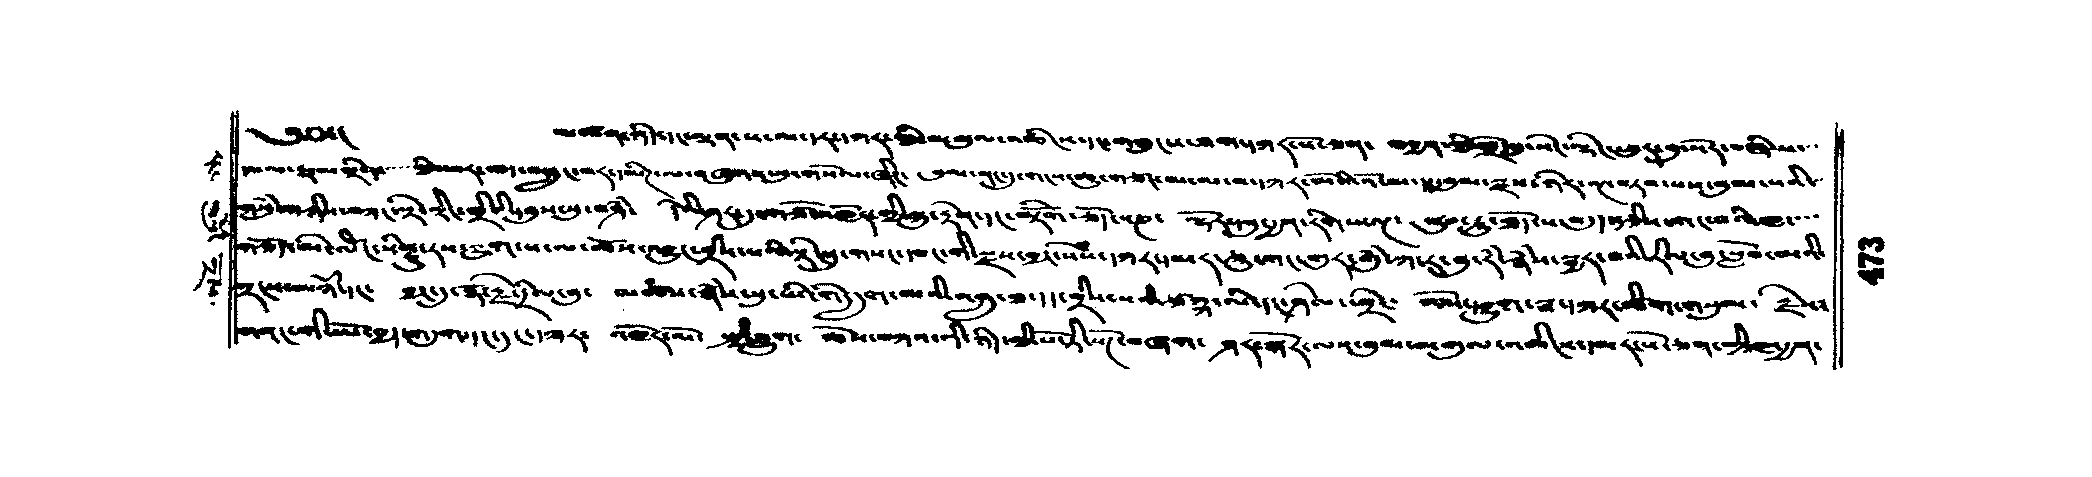མཚན་ཉིད་དང་ལྡན་པ་ལ་དར་དཀར་གྱི་མགུལ་མཆིངས་དང་གཟུངས་ཐག་དཀར་པོ་ཅན། ཁ་རྒྱན་གྱི་ཁྲོད་དུ་སེང་ལྡེང་ཕུར་བུ་སོར་བཞི་པ་
དཔལ་རྟ་མགྲིན་གྱི་བར་ཆད་བསྲུང་བར་དམིགས་ལ་བཞུགས་སུ་གསོལ་ཞིང་། བུམ་ནང་དུ་གངས་ཆུ་གཙང་མ་ལ་བ་དཀར་མོའི་འོ་མ་དང་བམ་རྫས་ཉེར་ལྔ་བཏབ་པས་བུམ་པའི་
སུམ་གཉིས་བཀང་སྟེ་ལྡིང་ཁྲིའི་དབུས་སུ་བཤམས། དེའི་ཤར་དུ་གཙོ་འཁོར་གྱི་སྐུ་རྟེན་དང་མེ་ཏོག་ཅོད་པཎ། ལྷོར་དབུ་རྒྱན་རིགས་ལྔ། ནུབ་ཏུ་ཐོད་པ་བདུད་རྩིས་གང་བའི་ཁ་
གཅོད་མེ་ལོང་སིནྡྷུ་རས་བྱུགས་པ་ལ་ཆོས་འབྱུང་བྲིས་པའི་སྟེང་དུ་གསང་དབང་གི་རྫས་བྱང་སེམས་དཀར་དམར་ཅུ་གང་གུར་གུམ་ཀ་ར་བུ་རམ་རྣམས་སྦྱར་བའི་རིལ་བུ་སློབ་མའི་
གྲངས་མཉམ་དང་། བྱང་དུ་རྡོ་རྗེ་དྲིལ་བུ། མཚམས་རྣམས་སུ་ཡི་གེ་དྲུག་མའི་འབྲུ་ཐ་དད་བྲིས་པའི་ཙཀྐ་ལི་དང་ཤེལ་འཕྲེང་། ཆོས་དབྱུག་སྦ་དཀར་ཚིགས་གསུམ། རྗེས་
གནང་གི་ཡོ་བྱད་གདུགས་དང་དུང་དཀར། འཁོར་ལོ། སྤྱི་བླུག ཆོས་བཀའ་དེ་ཉིད་ཀྱི་པོ་ཏི་སོགས་བཞག ཤར་སྒོར་ལས་བུམ་མགུལ་མཆིངས་དམར་པོ་ཅན་གྱི་ཁ་རྒྱན་